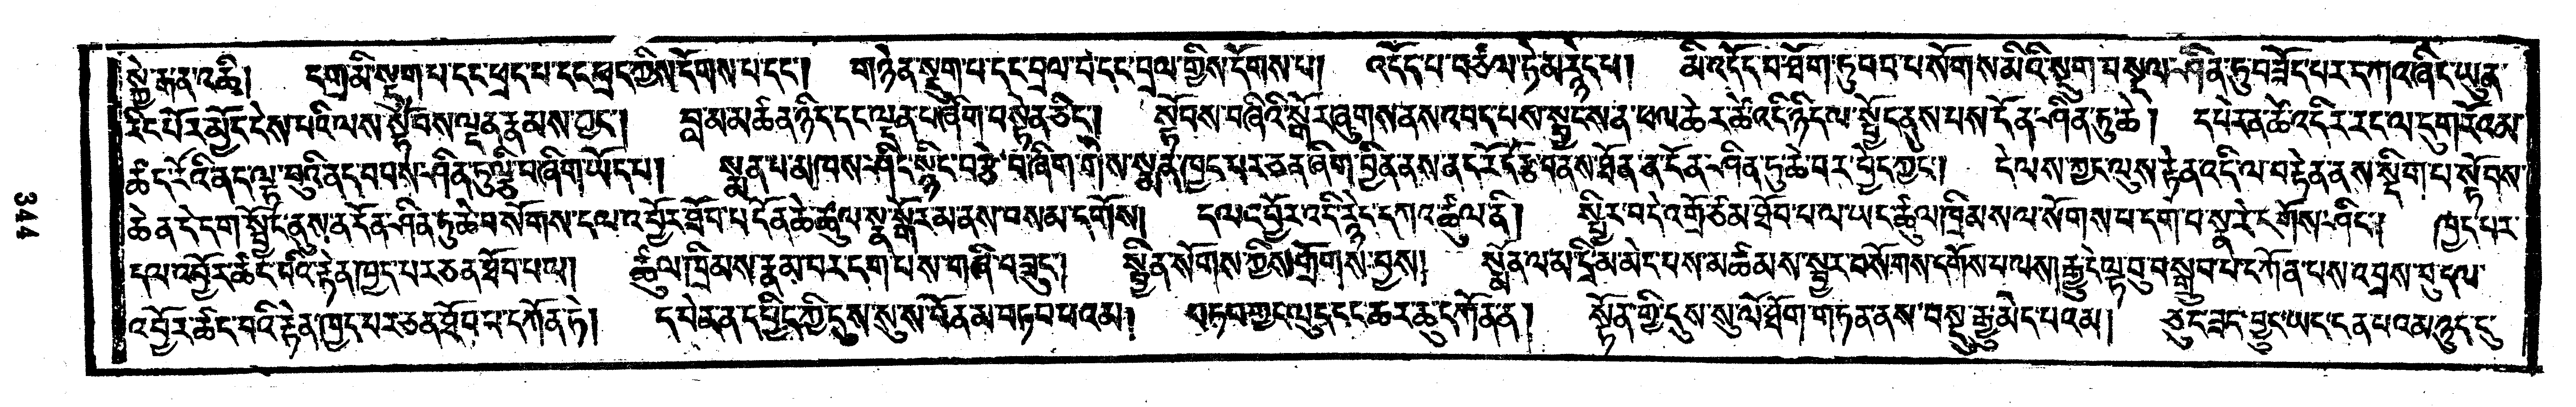སྐྱེ་རྒ་ན་འཆི། དགྲ་མི་སྡུག་པ་དང་ཕྲད་པ་དང་ཕྲད་ཀྱིས་དོགས་པ་དང་། གཉེན་སྡུག་པ་དང་བྲལ་བ་དང་བྲལ་གྱིས་དོགས་པ། འདོད་པ་བཙལ་ཏེ་མ་རྙེད་པ། མི་འདོད་བ་ཐོག་ཏུ་བབ་པ་སོགས་མིའི་སྡུག་བསྔལ་ཤིན་ཏུ་བཟོད་པར་དཀའ་ཞིང་ཡུན་
རིང་པོར་མྱོང་ངེས་པའི་ལས་སྟོབས་ལྡན་རྣམས་ཀྱང་། བླ་མ་མཚན་ཉིད་དང་ལྡན་པ་ཞིག་བསྟེན་ཅིང་། སྟོབས་བཞིའི་སྒོར་ཞུགས་ནས་འབད་པས་སྦྱངས་ན་ཕལ་ཆེར་ཚེ་འདི་ཉིད་ལ་སྤྱོད་ནུས་པས་དོན་ཤིན་ཏུ་ཆེ། དཔེར་ན་ཚེ་འདིར་རང་ལ་དུག་རོའམ་
ཚད་རོའི་ནད་ལྟ་བུའི་ནད་བབས་ཤིན་ཏུ་ལྕི་བ་ཞིག་ཡོད་པ། སྨན་པ་མཁས་ཤིང་སྙིང་བརྩེ་བ་ཞིག་གིས་སྨན་ཁྱད་པར་ཅན་ཞིག་བྱིན་ནས་ནད་རོ་དོ་རྩ་བ་ནས་ཐོན་ན་དོན་ཤིན་ཏུ་ཆེ་བར་བྱེད་ཀྱང་། དེ་ལས་ཀྱང་ལུས་རྟེན་འདི་ལ་བརྟེན་ནས་སྡིག་པ་སྟོབས་
ཆེན་དེ་དག་སྦྱོང་ནུས་ན་དོན་ཤིན་ཏུ་ཆེ་བ་སོགས་དལ་འབྱོར་ཐོབ་པ་དོན་ཆེ་ཚུལ་སྣ་སྒོར་མ་ནས་བསམ་དགོས། དལ་འབྱོར་འདི་རྙེད་དཀའ་ཚུལ་ནི། སྤྱིར་བདེ་འགྲོ་ཙམ་ཐོབ་པ་ལ་ཡང་ཚུལ་ཁྲིམས་ལ་སོགས་པ་དགེ་པ་སྣ་རེ་དགོས་ཤིང་། ཁྱད་པར་
དལ་འབྱོར་ཚང་བའི་རྟེན་ཁྱད་པར་ཅན་ཐོབ་པ་ལ། ཚུལ་ཁྲིམས་རྣམ་བར་དག་པས་གཞི་བཟུང་། སྦྱིན་སོགས་ཀྱིས་གྲོགས་བྱས། སྨོན་ལམ་དྲི་མ་མེད་པས་མཚམས་སྦྱར་བ་སོགས་དགོས་པ་ལས། རྒྱུ་དེ་ལྟ་བུ་བསྒྲུབ་པ་དཀོན་པས་འབྲས་བུ་དལ་
འབྱོར་ཚང་བའི་རྟེན་ཁྱད་པར་ཅན་ཐོབ་པ་དཀོན་ཏེ། དཔེན་ན་དཔྱིད་ཀྱི་དུས་སུ་ས་བོན་མ་བཏབ་པའམ། བཏབ་ཀྱང་ལུད་དང་ཆར་ཆུ་དཀོན་ན། སྟོན་གྱི་དུས་སུ་ལོ་ཐོག་གཏན་ནས་བསྡུ་རྒྱུ་མེད་པའམ། ཅུང་ཟད་བྱུང་ཡང་ངན་པའམ་ཉུང་དུ་